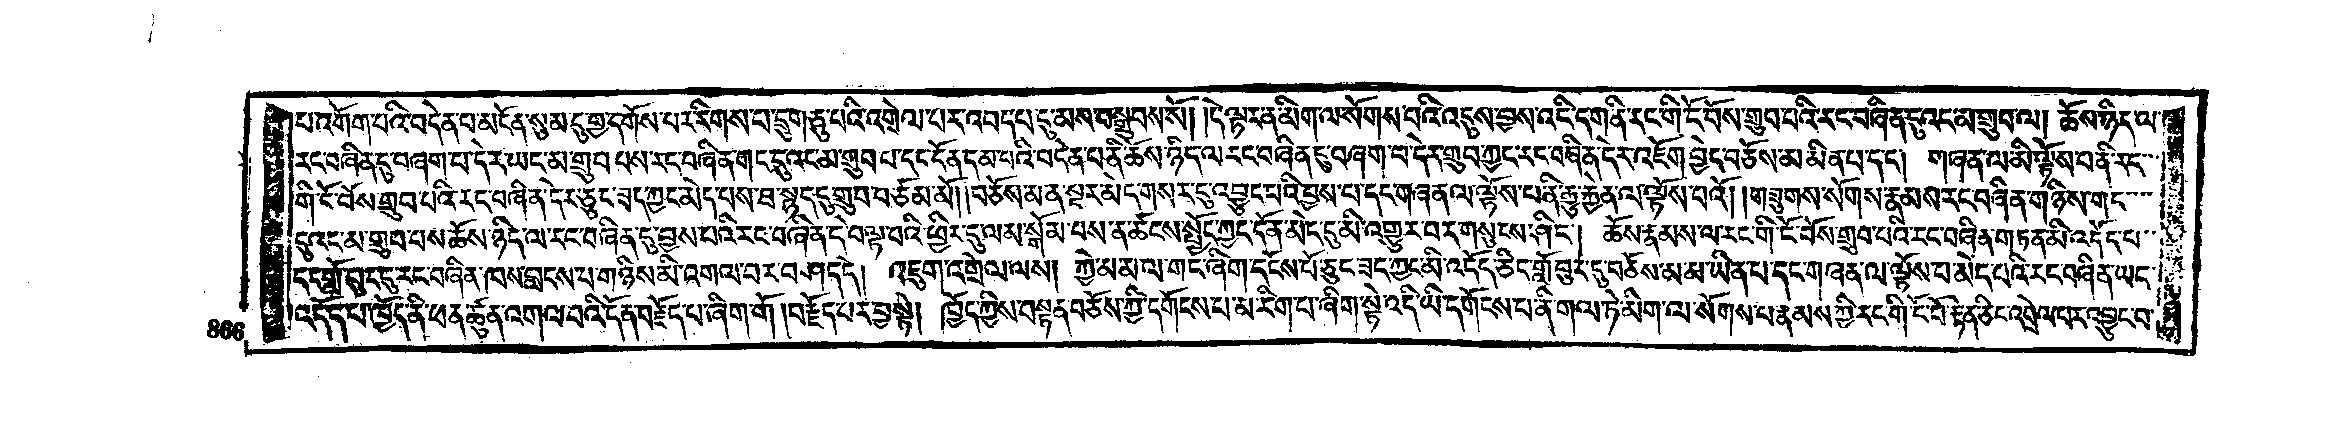པ་འགོག་པའི་བདེན་པ་མངོན་སུམ་དུ་བྱ་དགོས་པར་རིགས་པ་དྲུག་ཅུ་པའི་འགྲེལ་པར་འབད་པ་དུ་མས་བསྒྲུབས་སོ། །དེ་ལྟར་ན་མིག་ལ་སོགས་པའི་འདུས་བྱས་འདི་དག་ནི་རང་གི་ངོ་བོས་གྲུབ་པའི་རང་བཞིན་དུའང་མ་གྲུབ་ལ། ཆོས་ཉིད་ལ་
རང་བཞིན་དུ་བཞག་པ་དེར་ཡང་མ་གྲུབ་པས་རང་བཞིན་གང་དུའང་མ་གྲུབ་པ་དང་དོན་དམ་པའི་བདེན་པ་ནི་ཆོས་ཉིད་ལ་རང་བཞིན་དུ་བཞག་པ་དེར་གྲུབ་ཀྱང་རང་བཞིན་དེར་འཇོག་བྱེད་བཅོས་མ་མིན་པ་དང་། གཞན་ལ་མི་ལྟོས་པ་ནི་རང་
གི་ངོ་བོས་གྲུབ་པའི་རང་བཞིན་དེར་ཅུང་ཟད་ཀྱང་མེད་པས་ཐ་སྙད་དུ་གྲུབ་པ་ཙམ་མོ། །བཅོས་མ་ནི་སྔར་མེད་གསར་དུ་འབྱུང་བའི་བྱས་པ་དང་གཞན་ལ་ལྟོས་པ་ནི་རྒྱུ་རྐྱེན་ལ་ལྟོས་པའོ། །གཟུགས་སོགས་རྣམས་རང་བཞིན་གཉིས་གང་
དུའང་མ་གྲུབ་པས་ཆོས་ཉིད་ལ་རང་བཞིན་དུ་བྱས་པའི་རང་བཞིན་དེ་བལྟ་བའི་ཕྱིར་དུ་ལམ་སྒོམ་པས་ན་ཚངས་སྤྱོད་ཀྱང་དོན་མེད་དུ་མི་འགྱུར་བར་གསུངས་ཤིང་། ཆོས་རྣམས་ལ་རང་གི་ངོ་བོས་གྲུབ་པའི་རང་བཞིན་གཏན་མི་འདོད་པ་
དང་གློ་བུར་དུ་རང་བཞིན་ཁས་བླངས་པ་གཉིས་མི་འགལ་བར་བཤད་དེ། འཇུག་འགྲེལ་ལས། ཀྱེ་མ་མ་ལ་གང་ཞིག་དངོས་པོ་ཅུང་ཟད་ཀྱང་མི་འདོད་ཅིང་གློ་བུར་དུ་བཅོས་མ་མ་ཡིན་པ་དང་གཞན་ལ་ལྟོས་པ་མེད་པའི་རང་བཞིན་ཡང་
འདོད་པ་ཁྱོད་ནི་ཕན་ཚུན་འགལ་བའི་དོན་བརྗོད་པ་ཞིག་གོ ། བརྗོད་པར་བྱ་སྟེ། ཁྱོད་ཀྱིས་བསྟན་བཅོས་ཀྱི་དགོངས་པ་མ་རིག་པ་ཞིག་སྟེ་འདི་ཡི་དགོངས་པ་ནི་གལ་ཏེ་མིག་ལ་སོགས་པ་རྣམས་ཀྱི་རང་གི་ངོ་བོ་རྟེན་ཅིང་འབྲེལ་བར་འབྱུང་བ་